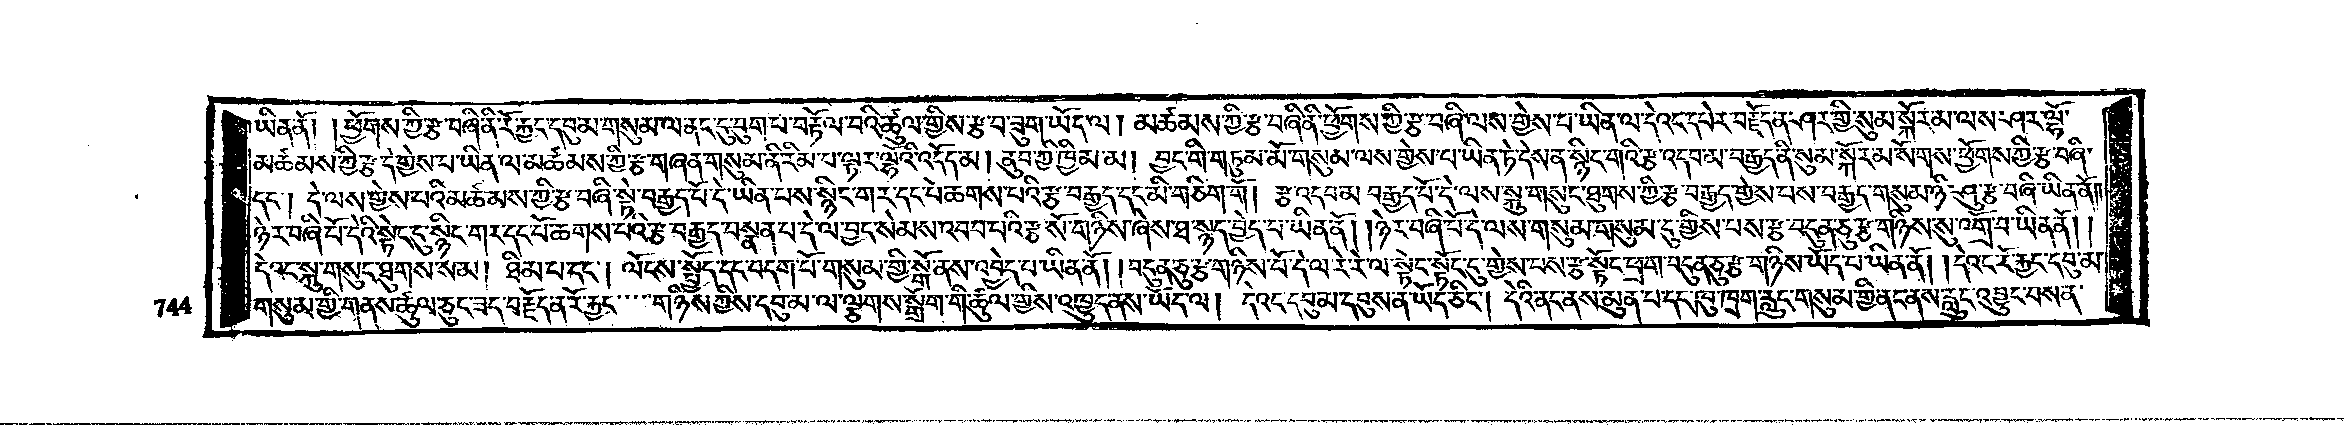ཡིན་ནོ། །ཕྱོགས་ཀྱི་རྩ་བཞི་ནི་རོ་རྐྱང་དབུ་མ་གསུམ་ལ་ནང་དུ་དུག་པ་བརྟོལ་བའི་ཚུལ་གྱིས་རྩ་བ་ཟུག་ཡོད་ལ། མཚམས་ཀྱི་རྩ་བཞི་ནི་ཕྱོགས་ཀྱི་རྩ་བཞི་ལས་ཀྱེས་པ་ཡིན་ལ་དེའང་དཔེར་བརྗོད་ན་ཤར་གྱི་སུམ་སྐོར་མ་ལས་ཤར་ལྷོ་
མཚམས་ཀྱི་རྩ་དེ་གྱེས་པ་ཡིན་ལ་མཚམས་ཀྱི་རྩ་གཞན་གསུམ་ནི་རིམ་པ་ལྟར་ལྷོའི་འདོད་མ། ནུབ་ཀྱི་ཁྱིམ་ལ། བྱང་གི་གཏུམ་མོ་གསུམ་ལས་གྱེས་པ་ཡིན་ཏེ་དེས་ན་སྙིང་གའི་རྩ་འདབ་མ་བརྒྱད་ནི་སུམ་སྐོར་མ་སོགས་ཕྱོགས་ཀྱི་རྩ་བཞི་
དང་། དེ་ལས་ཀྱེས་པའི་མཚམས་ཀྱི་རྩ་བཞི་སྟེ་བརྒྱད་པོ་དེ་ཡིན་པས་སྙིང་གར་དང་པོ་ཆགས་པའི་རྩ་བརྒྱད་དང་མི་གཅིག་གོ། རྩ་འདབ་མ་བརྒྱད་པོ་དེ་ལས་སྐུ་གསུང་ཐུགས་ཀྱི་རྩ་བརྒྱད་ཀྱེས་པས་བརྒྱད་གསུམ་ཉི་ཤུ་རྩ་བཞི་ཡིན་ནོ། །
ཉེར་བཞི་པོ་དེའི་སྟེང་དུ་སྙིང་གར་དང་པོ་ཆགས་པའི་རྩ་བརྒྱད་བསྣན་པ་དེ་ལ་བྱང་སེམས་འབབ་པའི་རྩ་སོ་གཉིས་ཞེས་ཐ་སྙད་བྱེད་པ་ཡིན་ནོ། །ཉེར་བཞི་པོ་དེ་ལས་གསུམ་གསུམ་དུ་གྱེས་པས་རྩ་བདུན་ཅུ་རྩ་གཉིས་སུ་འགྲོ་བ་ཡིན་ནོ། །
དེའང་སྐུ་གསུང་ཐུགས་སམ། ཐིམ་པ་དང་། ལོངས་སྤྱོད་དང་བདག་པོ་གསུམ་གྱི་སྒོ་ནས་འབྱེད་པ་ཡིན་ནོ། །བདུན་ཅུ་རྩ་གཉིས་པོ་དེ་ལ་རེ་རེ་ལ་སྟེང་སྟོང་དུ་གྱེས་པས་རྩ་སྟོང་ཕྲག་བདུན་ཅུ་རྩ་གཉིས་ཡོད་པ་ཡིན་ནོ། །དེའང་རོ་རྐྱང་དབུ་མ་
གསུམ་གྱི་གནས་ཚུལ་ཅུང་ཟད་བརྗོད་ན་རོ་རྐྱང་གཉིས་ཀྱིས་དབུ་མ་ལ་ལྕགས་སྒྲོག་གི་ཚུལ་གྱིས་འཁྱུད་ནས་ཡོད་ལ། དེའང་དབུ་མ་དབུས་ན་ཡོད་ཅིང་། དེའི་ནང་ནས་མུན་པ་དང་ཁུ་ཁྲག་རླུང་གསུམ་གྱི་ནང་ནས་རླུང་འབྱུང་བས་ན་